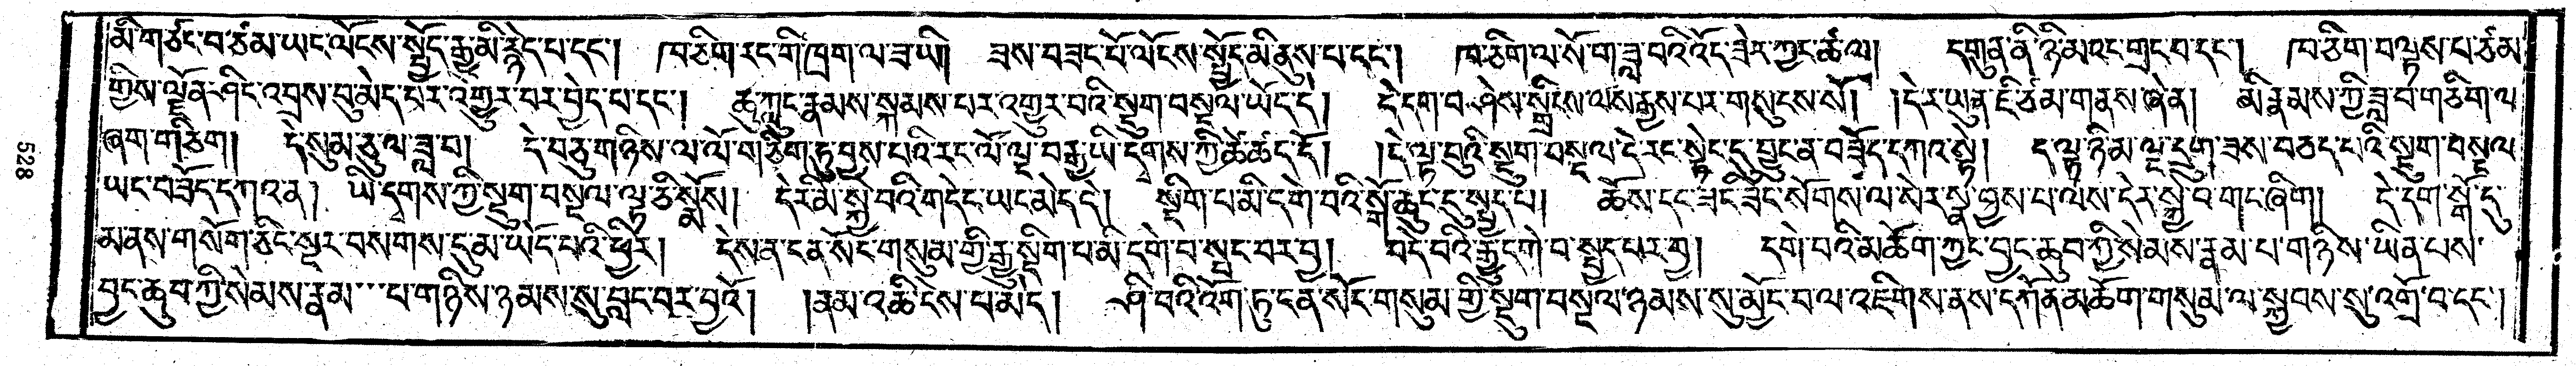མི་གཙང་བ་ཙམ་ཡང་ལོངས་སྤྱོད་རྒྱུ་མི་རྙེད་པ་དང་། ཁ་ཅིག་རང་གི་ཁྲག་ལ་ཟ་ཡི། ཟས་བཟང་པོ་ལོངས་སྤྱོད་མི་ནུས་པ་དང་། ཁ་ཅིག་ལ་སོ་ག་ཟླ་བའི་འོད་ཟེར་ཀྱང་ཚ་ལ། དགུན་ནི་ཉི་མའང་གྲང་བ་དང་། ཁ་ཅིག་བལྟས་པ་ཙམ་
གྱིས་ལྗོན་ཤིང་འབྲས་བུ་མེད་པར་འགྱུར་པར་བྱེད་པ་དང་། ཆུ་ཀླུང་རྣམས་སྐམས་པར་འགྱུར་བའི་སྡུག་བསྔལ་ཡོད་དེ། དེ་དག་བཤེས་སྒྲིངས་ལས་རྒྱས་པར་གསུངས་སོ། །དེ་ར་ཡུན་ཇི་ཙམ་གནས་ཞེ་ན། མི་རྣམས་ཀྱི་ཟླ་བ་གཅིག་ལ་
ཞག་གཅིག། དེ་སུམ་ཅུ་ལ་ཟླ་བ། དེ་བཅུ་གཉིས་ལ་ལོ་གཅིག་ཏུ་བྱས་པའི་རང་ལོ་ལྔ་བརྒྱ་ཡི་དྭགས་ཀྱི་ཚེ་ཚད་དོ། །དེ་ལྟ་བུའི་སྡུག་བསྔལ་དེ་རང་སྟེང་དུ་བྱུང་ན་བཟོད་དཀའ་སྟེ། ད་ལྟ་ཉི་མ་ལྔ་དྲུག་ཟས་བཅད་པའི་སྡུག་བསྔལ་
ཡང་བཟོད་དཀའ་ན། ཡི་དྭགས་ཀྱི་སྡུག་བསྔལ་ལྟ་ཅི་སྨོས། དེར་མི་སྐྱེ་བའི་གདེང་ཡང་མེད་དེ། སྡིག་པ་མི་དགེ་བའི་སྒོ་ཆུང་དུ་སྤྱད་པ། ཆོས་དང་ཟང་ཟིང་སོགས་ལ་སེར་སྣ་བྱས་པ་ལས་དེར་སྐྱེ་བ་གང་ཞིག། དེ་དག་སྒོ་དུ་
མ་ནས་གསོག་ཅིང་སྔར་བསགས་དུ་མ་ཡོད་པའི་ཕྱིར། དེས་ན་ངན་སོང་གསུམ་གྱི་རྒྱུ་སྡིག་པ་མི་དགེ་བ་སྤངས་བར་བྱ། བདེ་བའི་རྒྱུ་དགེ་བ་སྤྱད་པར་བྱ། དགེ་པའི་མཆོག་ཀྱང་བྱང་ཆུབ་ཀྱི་སེམས་རྣམ་པ་གཉིས་ཡིན་པས་
བྱང་ཆུབ་ཀྱི་སེམས་རྣམ་པ་གཉིས་ཉམས་སུ་བླང་བར་བྱའོ། །ནམ་འཆི་ངེས་པ་མེད། ཤི་བའི་འོག་ཏུ་ངན་སོང་གསུམ་གྱི་སྡུག་བསྔལ་ཉམས་སུ་མྱོང་བ་ལ་འཇིགས་ནས་དཀོན་མཆོག་གསུམ་ལ་སྐྱབས་སུ་འགྲོ་བ་དང་།